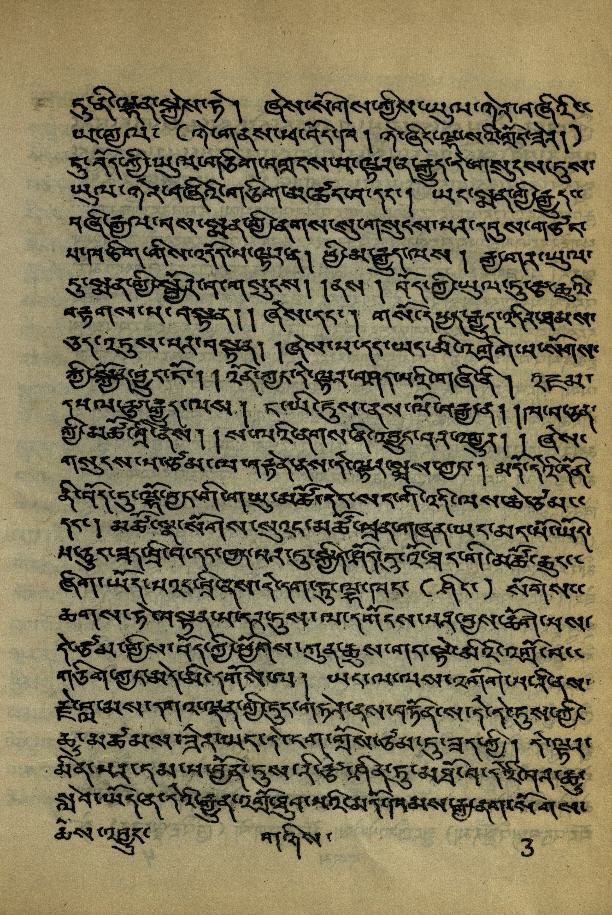དུ་ནི་ལྷན་སྐྱེས་ཏེ། ཞེས་སོགས་ཀྱིས་ཡུལ་ཉེར་བཞིའི་
ཡ་གྱལ་ཉེ་གནས་ཕ་བོད་ཁ། ཉེ་ཞིང་ལྷ་སའི་གྲོང་ཟེར།
དུ་བོད་ཀྱི་ཡུལ་གཅིག་བགྲངས་བ་ལྟར་ན་རྒྱུད་དེ་གསུངས་དུས་
ཡུལ་ཉེར་བཞིའི་གཅིག་མ་ཚང་བ་དང་། ཡང་སྨན་གྱི་རྒྱུད་
བཞི་རྒྱལ་བས་སྨན་གྱི་ནགས་སུ་གསུངས་པར་དབུས་གཙང་
པ་ཁ་ཅིག་གིས་འདོད་པ་ལྟར་ན། ཕྱི་མ་རྒྱུད་ལས། རྒྱ་གར་ཡུལ་
དུ་སྨན་གྱི་སྦྱོར་བ་གསུངས། །ནས། བོད་ཀྱི་ཡུལ་དུ་རྩ་ཆུའི་
བརྟགས་པ་བསྟན། །ཞེས་དང་། གསོ་དཔྱད་རྒྱུད་འདིར་ཐམས་
ཅད་འདུས་པར་བསྟན། །ཞེས་པ་དང་ཡང་མི་འགྲིག་པ་སོགས་
ཀྱི་སྐྱོན་བྱུང་ངོ། །འོན་ཀྱང་དེ་ལྟར་བཤད་པའི་གཞི་ནི། འཇམ་
དཔལ་རྩ་རྒྱུད་ལས། ང་ཡི་དུས་ནས་ལོ་བརྒྱ་ན། །ཁ་བ་ཅན་
གྱི་མཚོ་བྲི་ནས། །ས་ལའི་ནགས་ནི་འབྱུང་བར་འགྱུར། །ཞེས་
གསུངས་པ་ཙམ་ལ་བརྟེན་ནས་དེ་ལྟར་སྨྲས་ཀྱང་། མདོ་དེའི་དོན་
ནི་བོད་དུ་ལྷོ་བྱང་གི་གཡུ་མཚོ་དེང་སང་གི་འདི་ལས་ཚེ་ཙམ་
དང་། མཚོ་སྣ་སོགས་སུའང་མཚོ་ཕྲན་གཞན་ཡང་མང་པོ་ཡོད་
པ་ཅུང་ཟད་བྲི་བ་དང་ཁྱད་པར་དུ་སྐྱིད་ཤོད་དུ་འོ་ཐང་གི་མཚོ་ཆང་
ཞིག་ཡོད་པའང་བྲི་ནས་དེ་དག་ཏུ་ལྷ་ཁང་ཤིང་སོགས་
ཆགས་ཏེ་བསྟན་པ་དར་དུས་ལ་དགོངས་པར་བྱས་ཆོག་པས་
དེ་ཙམ་གྱིས་བོད་ཀྱི་ཕྱོགས་ཀུན་ཆུས་གང་སྟེ་མིའི་འགྲོ་བ་
གཅིག་ཀྱང་མེད་མི་དགོ་སེ་ཨ། ཡང་ལ་ལས་འགོག་པ་རི་ནས་
རྗེ་བླ་མས་དགའ་ལྡན་གྱི་དུད་གཏེར་ནས་བཏོན་ས་དེ་དེ་ཏུས་ཀྱི་
ཆུ་མཚམས་ཟིན་ཡང་དེ་དག་གྲོས་ཙམ་དུ་ཟད་ཀྱི། དེ་ལྟར་
མིན་པར་དམ་པ་བྱོན་ཏུས་རི་རྩེ་ཤིན་ཏུ་མཐོ་བ་དེའི་བར་ཆུ་
སླེབ་ཡོད་ན་དེའི་རྒྱུན་འགྲོ་ཐུབ་པའི་མདོ་ཁམས་རྒྱ་ནག་སོགས་